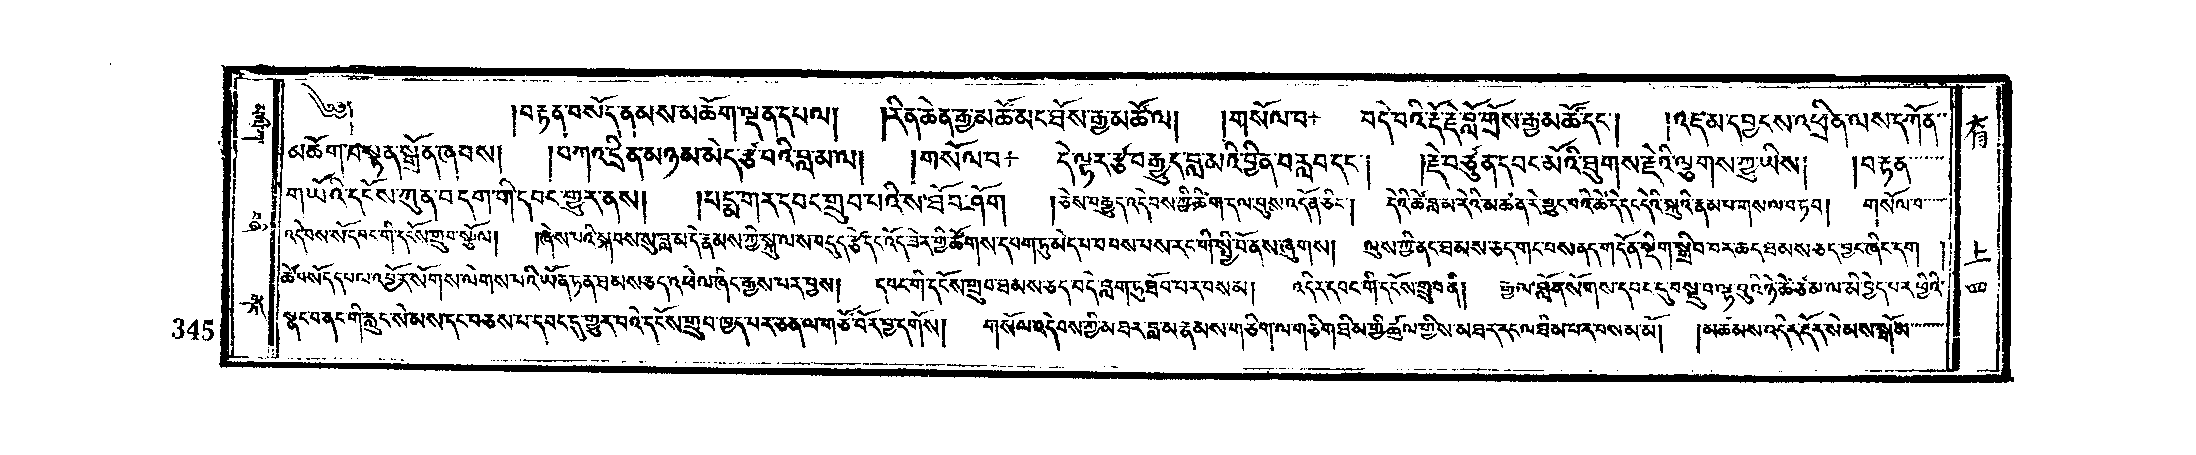༄༅། །བརྟན་བསོད་ནམས་མཆོག་ལྡན་དཔལ། །རིན་ཆེན་རྒྱ་མཚོ་མང་ཐོས་རྒྱ་མཚོ་ལ། །གསོལ་བ་+་བདེ་བའི་རྡོ་རྗེ་བློ་གྲོས་རྒྱ་མཚོ་དང་། །འཇམ་དབྱངས་འཕྲིན་ལས་དཀོན་
མཆོག་བསྟན་སྒྲོན་ཞབས། །བཀའ་དྲིན་མཉམ་མེད་རྩ་བའི་བླ་མ་ལ། །གསོལ་བ་+་དེ་ལྟར་རྩ་བརྒྱུད་བླ་མའི་བྱིན་བརླབ་དང་། །རྗེ་བཙུན་དབང་མོའི་ཐུགས་རྗེའི་ལྕགས་ཀྱུ་ཡིས། །བརྟན་
གཡོའི་དངོས་ཀུན་བདག་གི་དབང་གྱུར་ནས། །པདམ་གར་དབང་གྲུབ་པའི་ས་ཐོབ་ཤོག །ཅེས་བརྒྱུད་འདེབས་ཀྱི་ཚིག་དལ་བུས་འདོན་ཅིང་། དེའི་ཚེ་བླ་མ་རེའི་མཚན་རེ་བྱུང་བའི་ཚེ་དེ་དང་དེའི་སྐུའི་རྣམ་པ་གསལ་བཏབ། གསོལ་བ་
འདེབས་སོ་དབང་གི་དངོས་གྲུབ་སྩོལ། །ཞེས་པའི་སྐབས་སུ་བླ་མ་དེ་རྣམས་ཀྱི་སྐུ་ལས་བདུད་རྩེ་དང་འོད་ཟེར་གྱི་ཚོགས་དཔག་ཏུ་མེད་པ་བབས་པས་རང་གི་སྤྱི་བོ་ནས་ཞུགས། ལུས་ཀྱི་ནང་ཐམས་ཅད་གང་བས་ནད་གདོན་སྡིག་སྒྲིབ་བར་ཆད་ཐམས་ཅད་བྱང་ཞིང་དག །
ཚེ་བསོད་དཔལ་འབྱོར་སོགས་ལེགས་པའི་ཡོན་ཏན་ཐམས་ཅད་འཕེལ་ཞིང་རྒྱས་པར་བྱས། དབང་གི་དངོས་གྲུབ་ཐམས་ཅད་བདེ་བླག་ཏུ་ཐོབ་པར་བསམ། འདིར་དབང་གི་དངོས་གྲུབ་ནི། རྒྱལ་བློན་སོགས་དབང་དུ་བསྡུ་བ་ལྟ་བུའི་ཉེ་ཚེ་ཙམ་ལ་མི་བྱེད་པར་ཕྱིའི་
སྣང་བ་ནང་གི་རླུང་སེམས་དང་བཅས་པ་དབང་དུ་གྱུར་པའི་དངོས་གྲུབ་ཁྱད་པར་ཅན་ལ་གཙོ་བོར་བྱ་དགོས། གསོལ་འདེབས་ཀྱི་མཐར་བླ་མ་རྣམས་གཅིག་ལ་གཅིག་ཐིམ་གྱི་ཚུལ་གྱིས་མཐར་རང་ལ་ཐིམ་པར་བསམ་མོ། །མཚམས་འདིར་རྡོར་སེམས་སྒོམ་